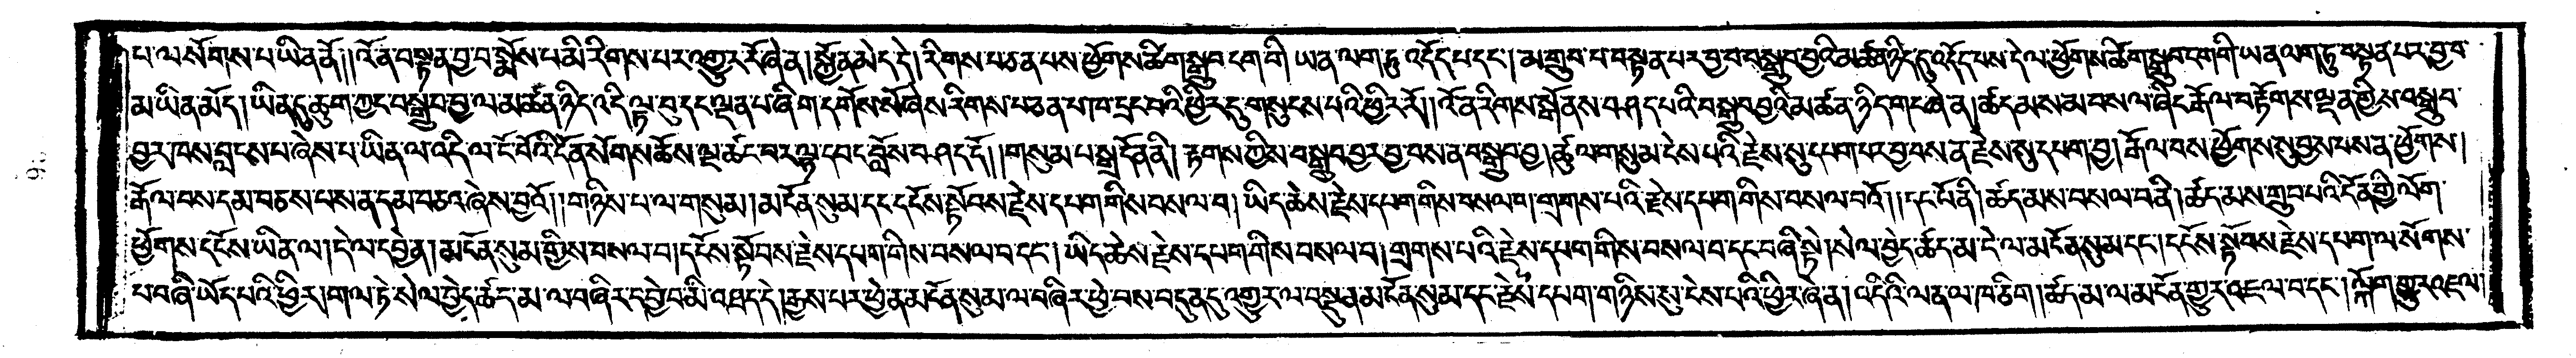པ་ལ་སོགས་པ་ཡིན་ནོ། །འོ་ན་བསྟན་བྱ་བ་སྨོས་པ་མི་རིགས་པར་འགྱུར་རོ་ཞེ་ན། སྐྱོན་མེད་དེ། རིགས་པ་ཅན་པས་ཕྱོགས་ཚིག་སྒྲུབ་ངག་གི་ཡན་ལག་ཏུ་འདོད་པ་དང་། མ་གྲུབ་པ་བསྟན་པར་བྱ་བ་བསྒྲུབ་བྱའི་མཚན་ཉིད་དུ་འདོད་པས་དེ་ལ་ཕྱོགས་ཚིག་སྒྲུབ་ངག་གི་ཡན་ལག་ཏུ་བསྟན་པར་བྱ་བ་
མ་ཡིན་མོད། ཡིན་དུ་ཆུག་ཀྱང་བསྒྲུབ་བྱ་ལ་མཚན་ཉིད་འདི་ལྟ་བུ་དང་ལྡན་པ་ཞིག་དགོས་སོ་ཞེས་རིགས་པ་ཅན་པ་ཁ་དྲང་བའི་ཕྱིར་དུ་གསུངས་པའི་ཕྱིར་རོ། །འོ་ན་རིགས་སྒོ་ནས་བཤད་པའི་བསྒྲུབ་བྱའི་མཚན་ཉིད་གང་ཞེ་ན། ཚད་མས་མ་བསལ་ཞིང་རྒོལ་བ་རྟོགས་ལྡན་གྱིས་བསྒྲུབ་
བྱར་ཁས་བླངས་པ་ཞེས་པ་ཡིན་ལ་འདི་ལ་ངོ་བོའི་དོན་སོགས་ཆོས་ལྔ་ཚང་བར་ལྷ་དབང་བློས་བཤད་དོ། །གསུམ་པ་སྒྲ་དོན་ནི། རྟགས་ཀྱིས་བསྒྲུབ་བྱར་བྱ་བས་ན་བསྒྲུབ་བྱ། ཚུལ་གསུམ་ངེས་པའི་རྗེས་སུ་དཔག་པར་བྱ་བས་ན་རྗེས་སུ་དཔག་བྱ། རྒོལ་བས་ཕྱོགས་སུ་བྱས་པས་ན་ཕྱོགས་
རྒོལ་བས་དམ་བཅས་པས་ན་དམ་བཅའ་ཞེས་བྱའོ། །གཉིས་པ་ལ་གསུམ། མངོན་སུམ་དང་དངོས་སྟོབས་རྗེས་དཔག་གིས་བསལ་བ། ཡིད་ཆེས་རྗེས་དཔག་གིས་བསལ་བ། གྲགས་པའི་རྗེས་དཔག་གིས་བསལ་བའོ། །དང་པོ་ནི། ཚད་མས་བསལ་བ་ནི། ཚད་མས་གྲུབ་པའི་དོན་གྱི་ལོག་
ཕྱོགས་དངོས་ཡིན་ལ། དེ་ལ་དབྱེ་ན། མངོན་སུམ་གྱིས་བསལ་བ། དངོས་སྟོབས་རྗེས་དཔག་གིས་བསལ་བ་དང་། ཡིད་ཆེས་རྗེས་དཔག་གིས་བསལ་བ། གྲགས་པའི་རྗེས་དཔག་གིས་བསལ་བ་དང་བཞི་སྟེ། སེལ་བྱེད་ཚད་མ་དེ་ལ་མངོན་སུམ་དང་། དངོས་སྟོབས་རྗེས་དཔག་ལ་སོགས་
པ་བཞི་ཡོད་པའི་ཕྱིར། གལ་ཏེ་སེལ་བྱེད་ཚད་མ་ལ་བཞིར་དབྱེ་བ་མི་འཐད་དེ། རྒྱས་པར་ཕྱེ་ན་མངོན་སུམ་ལ་བཞིར་ཕྱེ་བས་བདུན་དུ་འགྱུར་ལ་བསྡུ་ན་མངོན་སུམ་དང་རྗེས་དཔག་གཉིས་སུ་ངེས་པའི་ཕྱིར་ཞེ་ན། འདིའི་ལན་ལ་ཁ་ཅིག །ཚད་མ་ལ་མངོན་གྱུར་འཇལ་བ་དང་། ལྐོག་གྱུར་འཇལ་